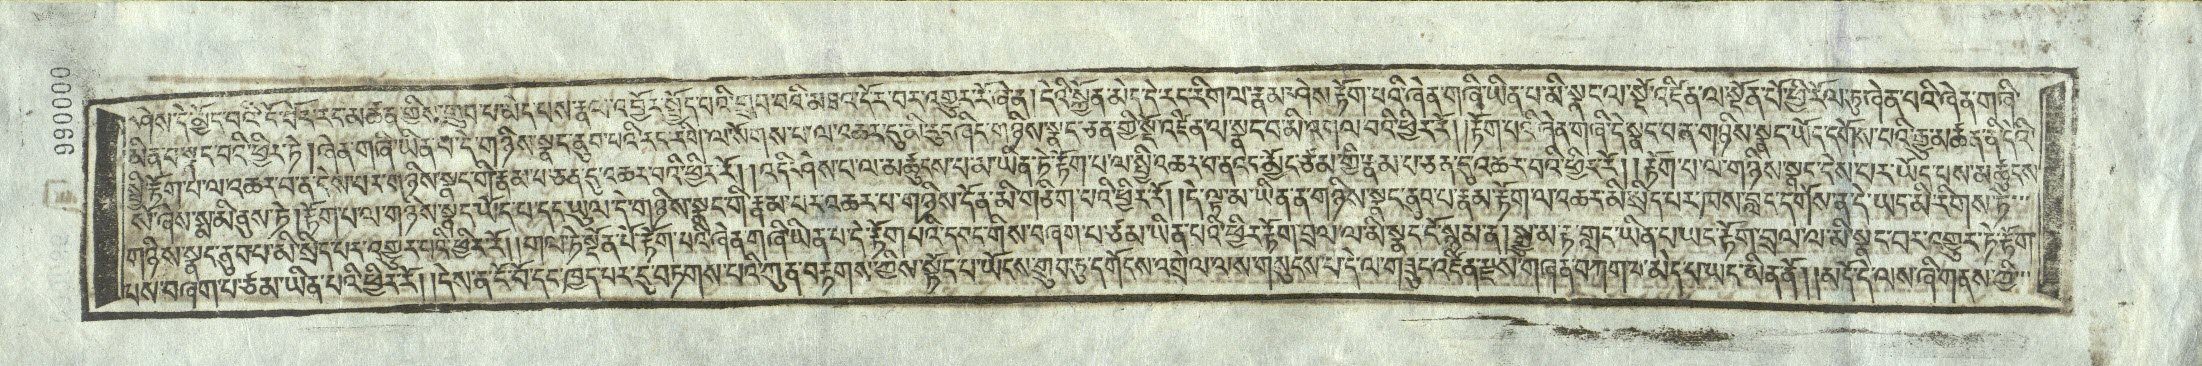ཤེས་དེ་མྱོང་བའི་ངོ་བོར་རང་མཚན་གྱིས་གྲུབ་པ་མེད་པས་རྣལ་འབྱོར་སྤྱོད་པའི་གྲུབ་པའི་མཐའ་དོར་བར་འགྱུར་རོ་ཞེ་ན། དེའི་སྐྱོན་མེད་དེ་རང་རིག་ལ་རྣམ་ཤེས་རྟོག་པའི་ཞེན་གཞི་ཡིན་པ་མི་སྣང་ལ་སྔོ་འཛིན་ལ་སྔོན་པོ་ཕྱི་རོལ་ཏུ་ཞེན་པའི་ཞེན་གཞི་
ཡིན་པ་སྣང་བའི་ཕྱིར་ཏེ། ཞེན་གཞི་ཡིན་པ་དེ་གཉིས་སྣང་ནུབ་པའི་རང་རིག་ལ་སོགས་པ་ལ་འཆར་དུ་མི་རུང་ཞིང་གཉིས་སྣང་ཅན་གྱི་སྔོ་འཛིན་ལ་སྣང་བ་མི་འགལ་བའི་ཕྱིར་རོ། །རྟོག་པའི་ཞེན་གཞི་དེ་སྣང་བ་ན་གཉིས་སྣང་ཡོད་དགོས་པའི་རྒྱུ་མཚན་ནི་དེའི་
སྤྱི་རྟོག་པ་ལ་འཆར་བ་ན་ངེས་པར་གཉིས་སྣང་གི་རྣམ་པ་ཅན་དུ་འཆར་བའི་ཕྱིར་རོ། །འདི་ཤེས་པ་ལ་མཚུངས་པ་མ་ཡིན་ཏེ་རྟོག་པ་ལ་སྤྱི་འཆར་བ་ནའང་མྱོང་ཙམ་གྱི་རྣམ་པ་ཅན་དུ་འཆར་བའི་ཕྱིར་རོ། །རྟོག་པ་ལ་གཉིས་སྣང་ངེས་པར་ཡོད་པས་མཚུངས་
ས་ཞེས་སྨྲ་མི་ནུས་ཏེ། རྟོག་པ་ལ་གཉིས་སྣང་ཡོད་པ་དང་ཡུལ་དེ་གཉིས་སྣང་གི་རྣམ་པར་འཆར་པ་གཉིས་དོན་མི་གཅིག་པའི་ཕྱིར་རོ། །དེ་ལྟ་མ་ཡིན་ན་གཉིས་སྣང་ནུབ་པ་རྣམ་རྟོག་ལ་འཆར་མི་སྲིད་བར་ཁས་བླང་དགོས་ན་དེ་ཡང་མི་རིགས་ཏེ་
གཉིས་སྣང་ནུབ་པ་མི་སྲིད་པར་འགྱུར་བའི་ཕྱིར་རོ། །གལ་ཏེ་སྔོན་པོ་རྟོག་པའི་ཞེན་གཞི་ཡིན་པ་དེ་རྟོག་པའི་དབང་གིས་བཞག་པ་ཙམ་ཡིན་པའི་ཕྱིར་རྟོག་བྲལ་ལ་མི་སྣང་ངོ་སྙམ་ན། སྒྱུ་མ་རྟ་གླང་ཡིན་པ་ཡང་རྟོག་བྲལ་ལ་མི་སྣང་བར་འགྱུར་ཏེ་རྟོག་
པས་བཞག་པ་ཙམ་ཡིན་པའི་ཕྱིར་རོ། །དེས་ན་ངོ་བོ་དང་ཁྱད་པར་དུ་བཏགས་པའི་ཀུན་བརྟགས་ཀྱིས་སྟོང་པ་ཡོངས་གྲུབ་ཏུ་དགོངས་འགྲེལ་ལས་གསུངས་པ་དེ་ལ་གཟུང་འཛིན་རྫས་གཞན་བཀག་པ་མེད་པ་ཡང་ཡིན་ནོ། །མདོ་དེ་ལས་ཞི་གནས་ཀྱི་